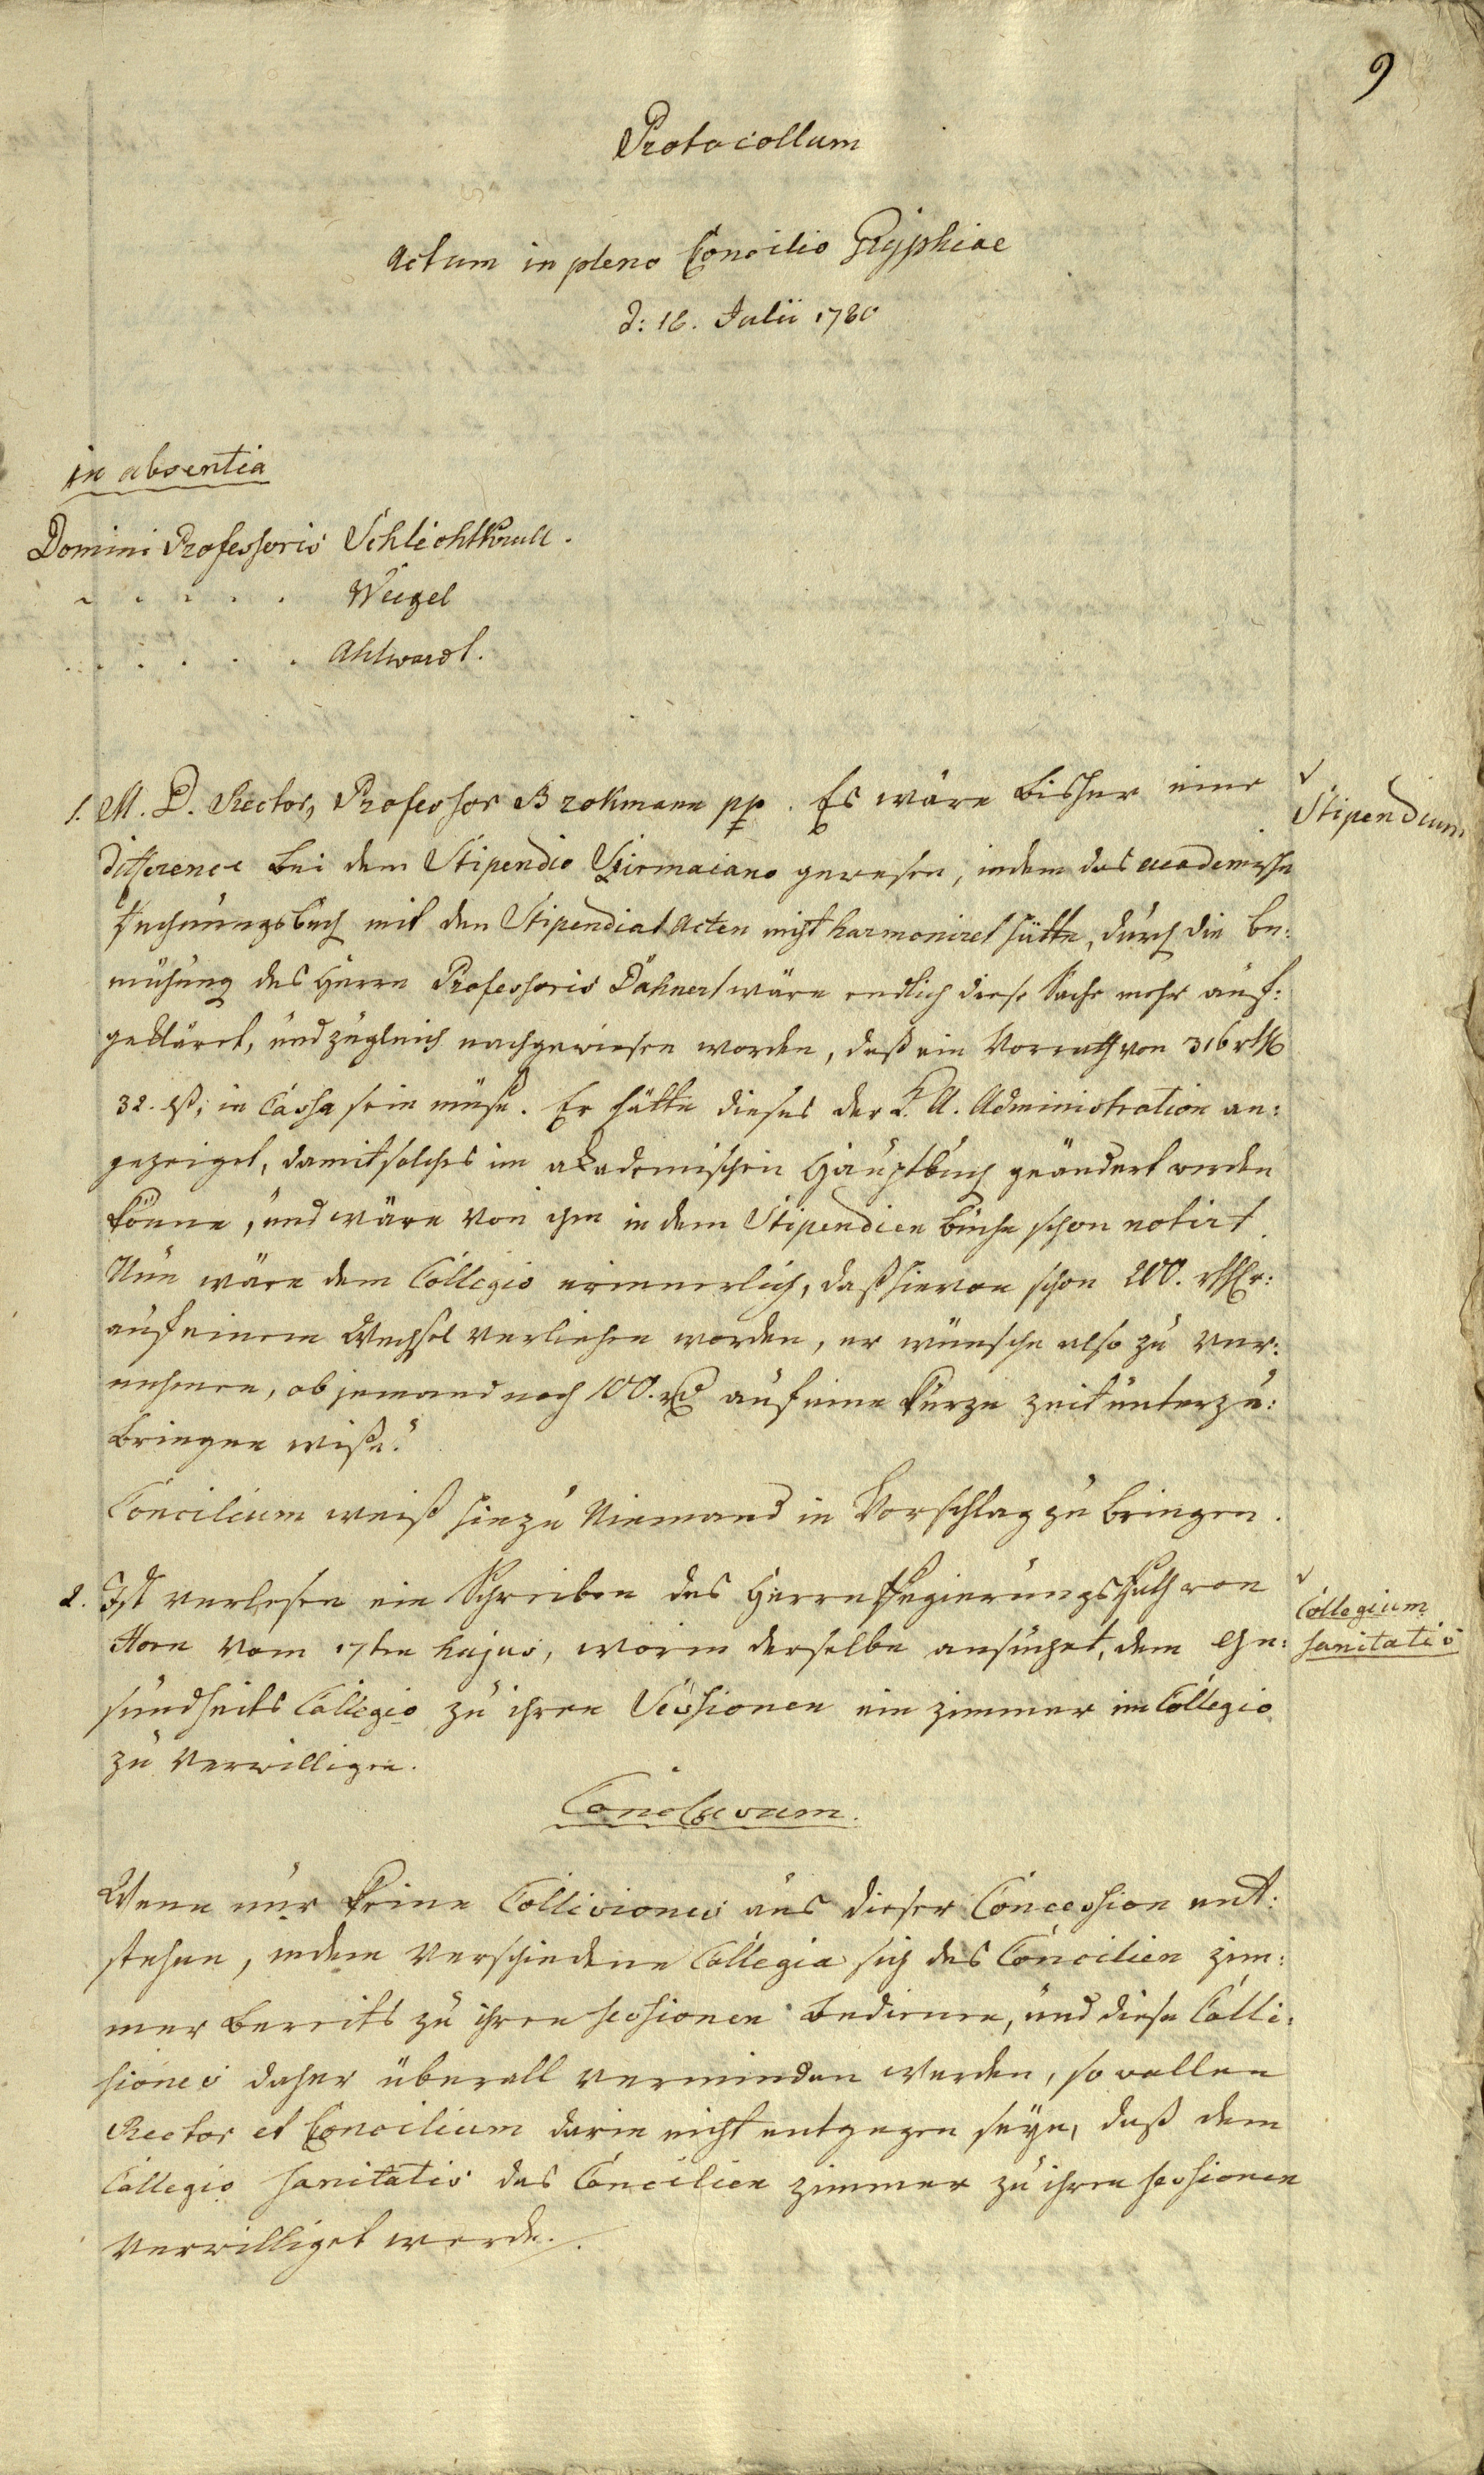Protocollum
Actum in pleno Concilio Grÿphiae
d. 18. Julii 1780
in absentia
Domini Professoris Schlichtkrull.
Weigel
Ahlwardt.
1. M. D. Rector, Professor Brokmann pp. Es wäre bisher eine Stipendium
difference bei dem Stipendio Szirmaiano gewesen, indem das academische
Rechnungsbuch mit den Stipendiatacten nicht harmoniret hätte, durch die Be¬
mühung des Herrn Professoris Dähnert wäre endlich diese Sache mehr auf¬
gekläret, und zugleich nachgewiesen worden, daß ein Vorrath von 316 rt
32. s. in Cassa sein müße. Er hätte dieses der K. A. Administration an¬
gezeiget, damit solches im akademischen Hauptbuch geändert werden
könne, und wäre von ihm in dem Stipendien Buche schon notirt.
Nun wäre dem Collegio erinnerlich, daß hievon schon 200. rt:
auf einem Wechsel verleihen worden, er wünsche also zu ver¬
nehmen, ob jemand noch 100. rt auf eine kurze zeit unterzu¬
bringen wiße?
Concilium weiß hiezu Niemand in Vorschlag zu bringen.
2. Ist verlesen ein Schreiben des Herrn RegierungsRath von Collegium
Horn vom 17ten hujus, worin derselbe ansuchet, dem Ge¬ sanitatio
sundheits Collegio zu ihren Sessionen ein zimmer im Collegio
zu verwilligen.
Conclusum
Wenn nur keine Collisiones aus dieser Concession ent¬
stehen, indem verschiedene Collegia sich des Concilien zim¬
mer bereits zu ihren sessionen bedienen, und diese Collis¬
siones daher überall vermieden werden, so wollen
Rector et Concilium darin nicht entgegen seÿn, daß dem
Collegio sanitatis das Concilien zimmer zu ihren sessionen
verwilliget werde.